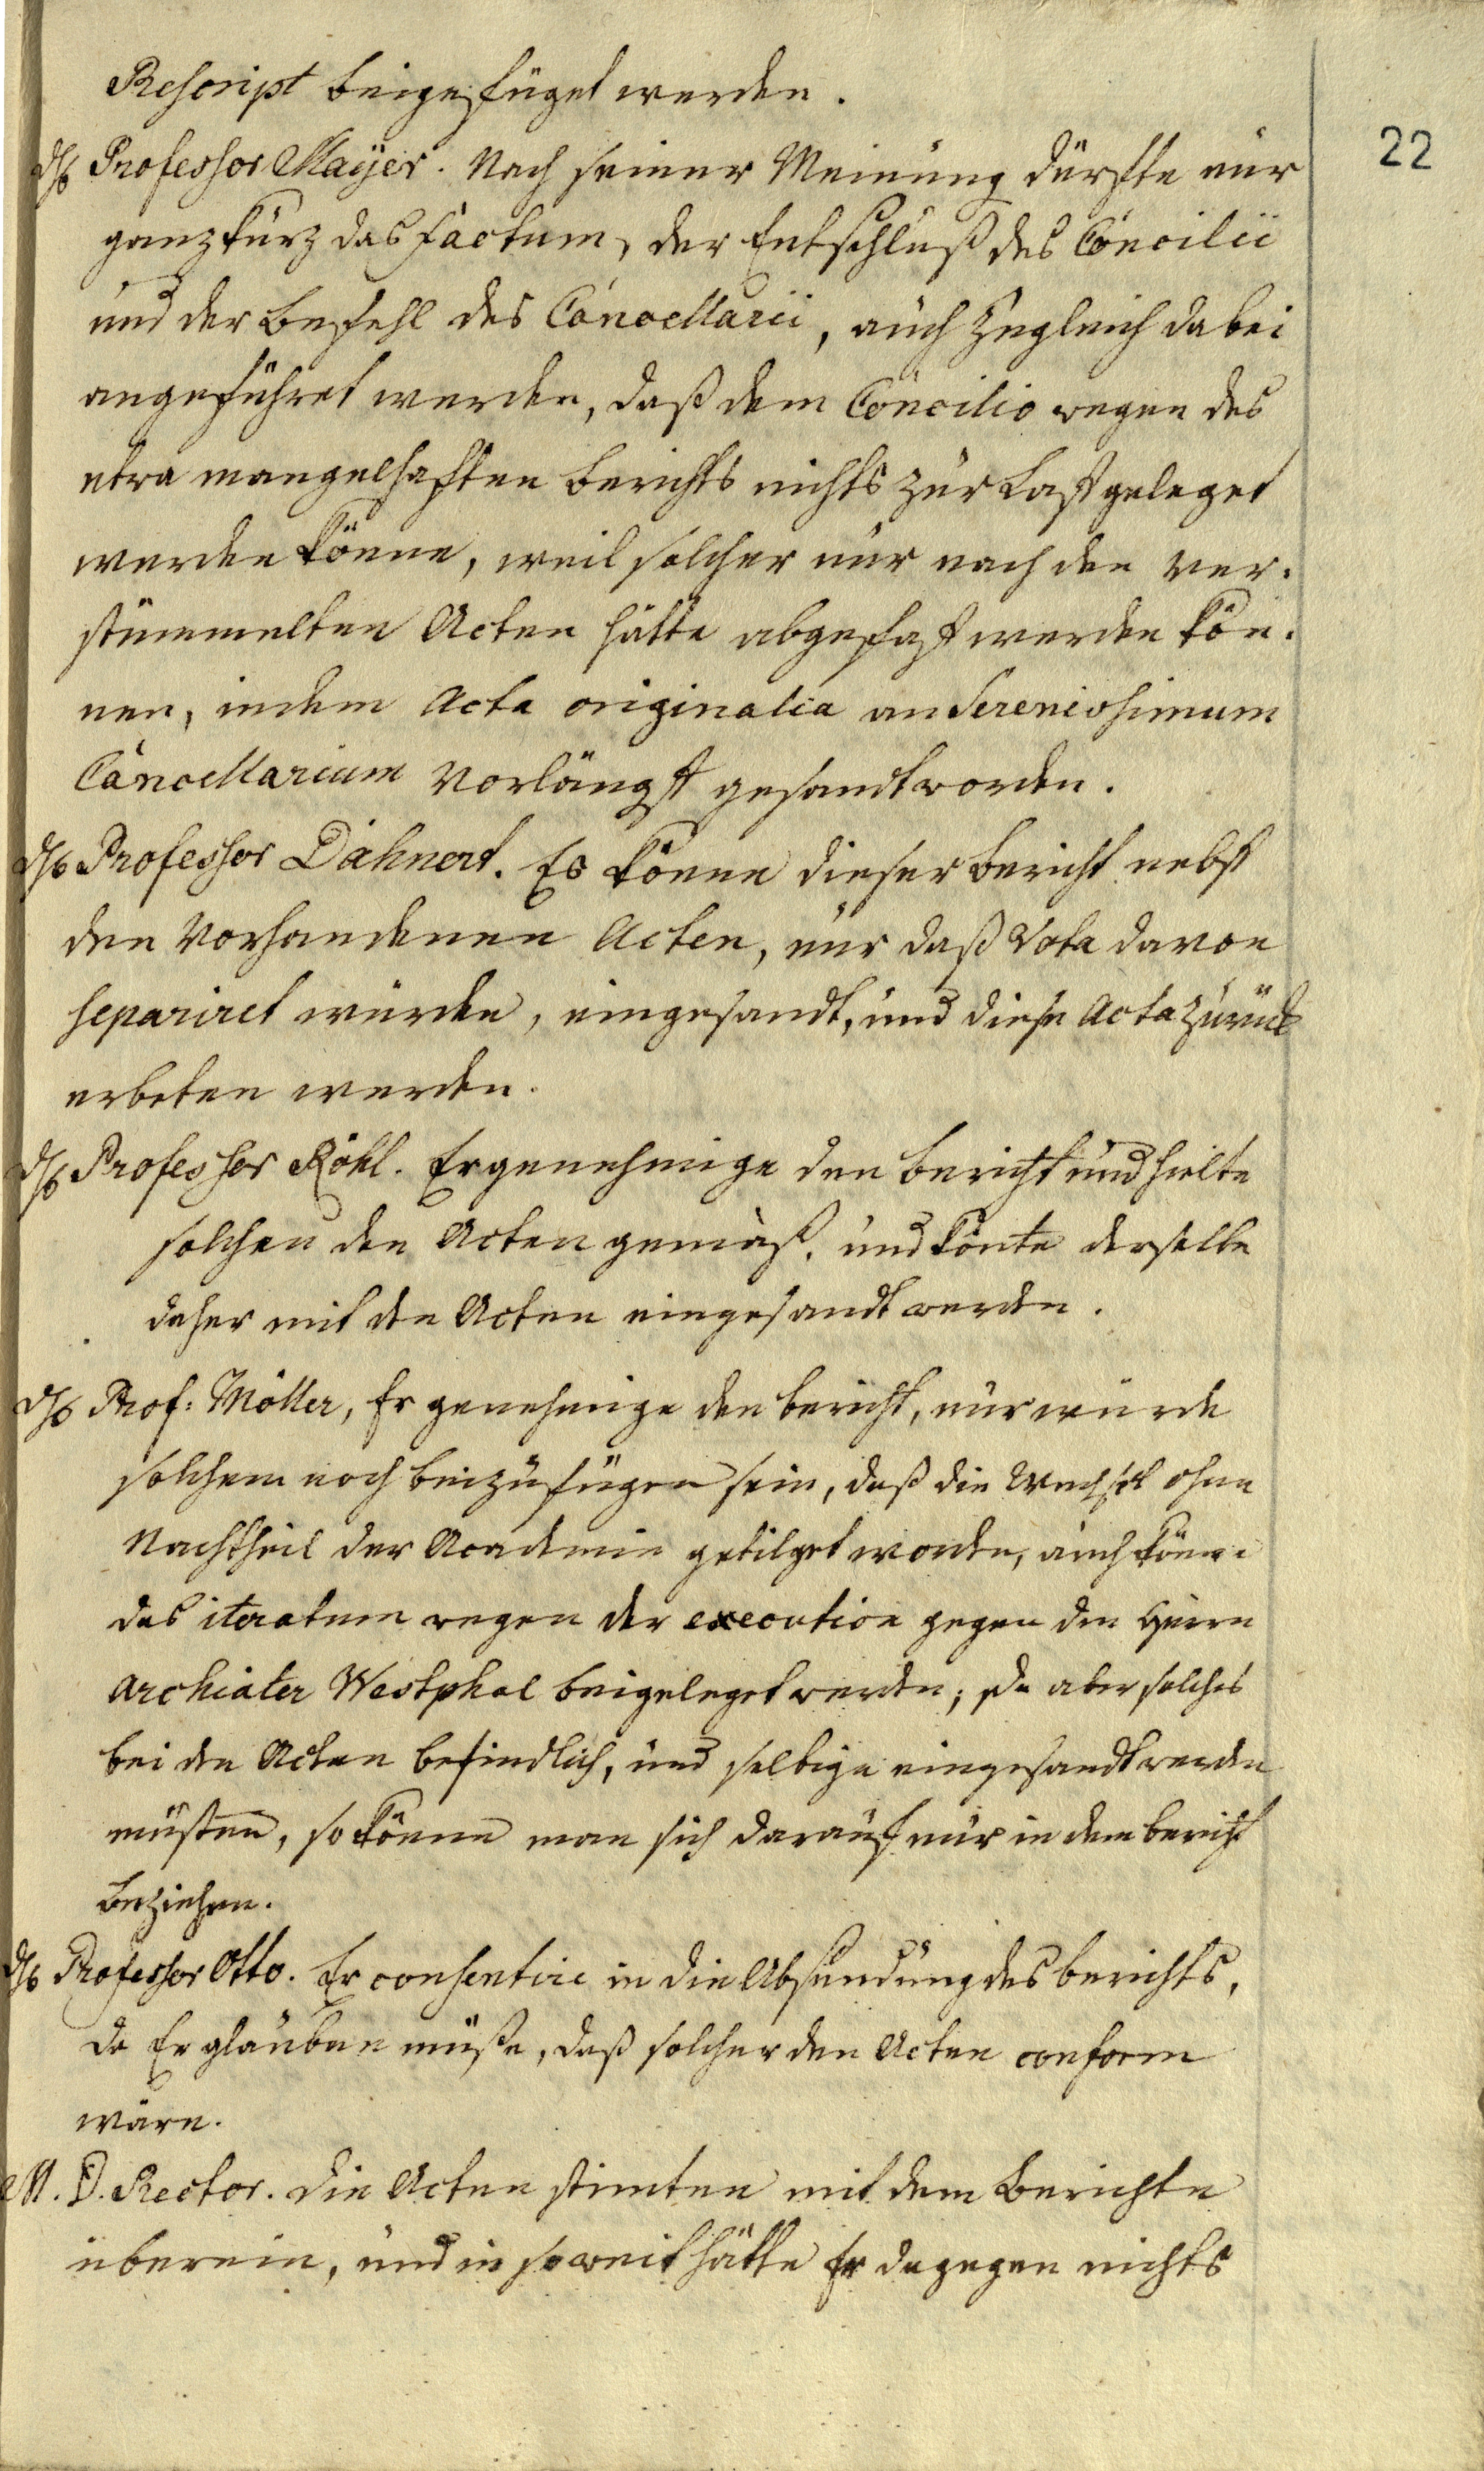Rescript beigefüget werden.
dh Professor Maÿer. Nach seiner Meinung dürfte nur
ganz kurz das Factum, der Entschluß des Concilii
und der Befehl des Cancellarii, auch zugleich dabei
angeführet werden, daß dem Concilio wegen des
etwa mangelhaften Berichts nichts zur Last geleget
werden könne, weil solcher nur nach den ver¬
stümmelten Acten hätte abgefast werden kön¬
nen, indem Acta originalia an Serenissimum
Cancellarium vorlängst gesandt worden.
dh Professor Dähnert. Es könne dieser Bericht nebst
den vorhandenen Acten, nur daß Vota davon
separiret würden, eingesandt, und idese Acta zurück
erbeten werden.
dh Professor Röhl. Er genehmige den Bericht und hielte
solchen den Acten gemäß und könte derselbe
daher mit den Acten eingesandt werden.
dh Prof. Möller, Er genehmige den Bericht, nur würde
solchem noch beizufügen sein, daß die Wechsel ohne
Nachtheil der Academie getilget worden, auch könne
das iteratum wegen der execution gegen den Herrn
Archiater Westphal beigeleget werden; da aber solches
bei den Acten befindlich, und selbige eingesandt werden
müsten, so könne man sich darauf nur in dem Bericht
beziehen.
dh Professor Otto. Er consentire in die Absendung des Berichts,
da Er glauben müße, daß solcher den Acten conform
wäre.
M. D. Rector. Die Acten stimten mit dem Berichte
überein, und in soweit hätte Er dagegen nichts